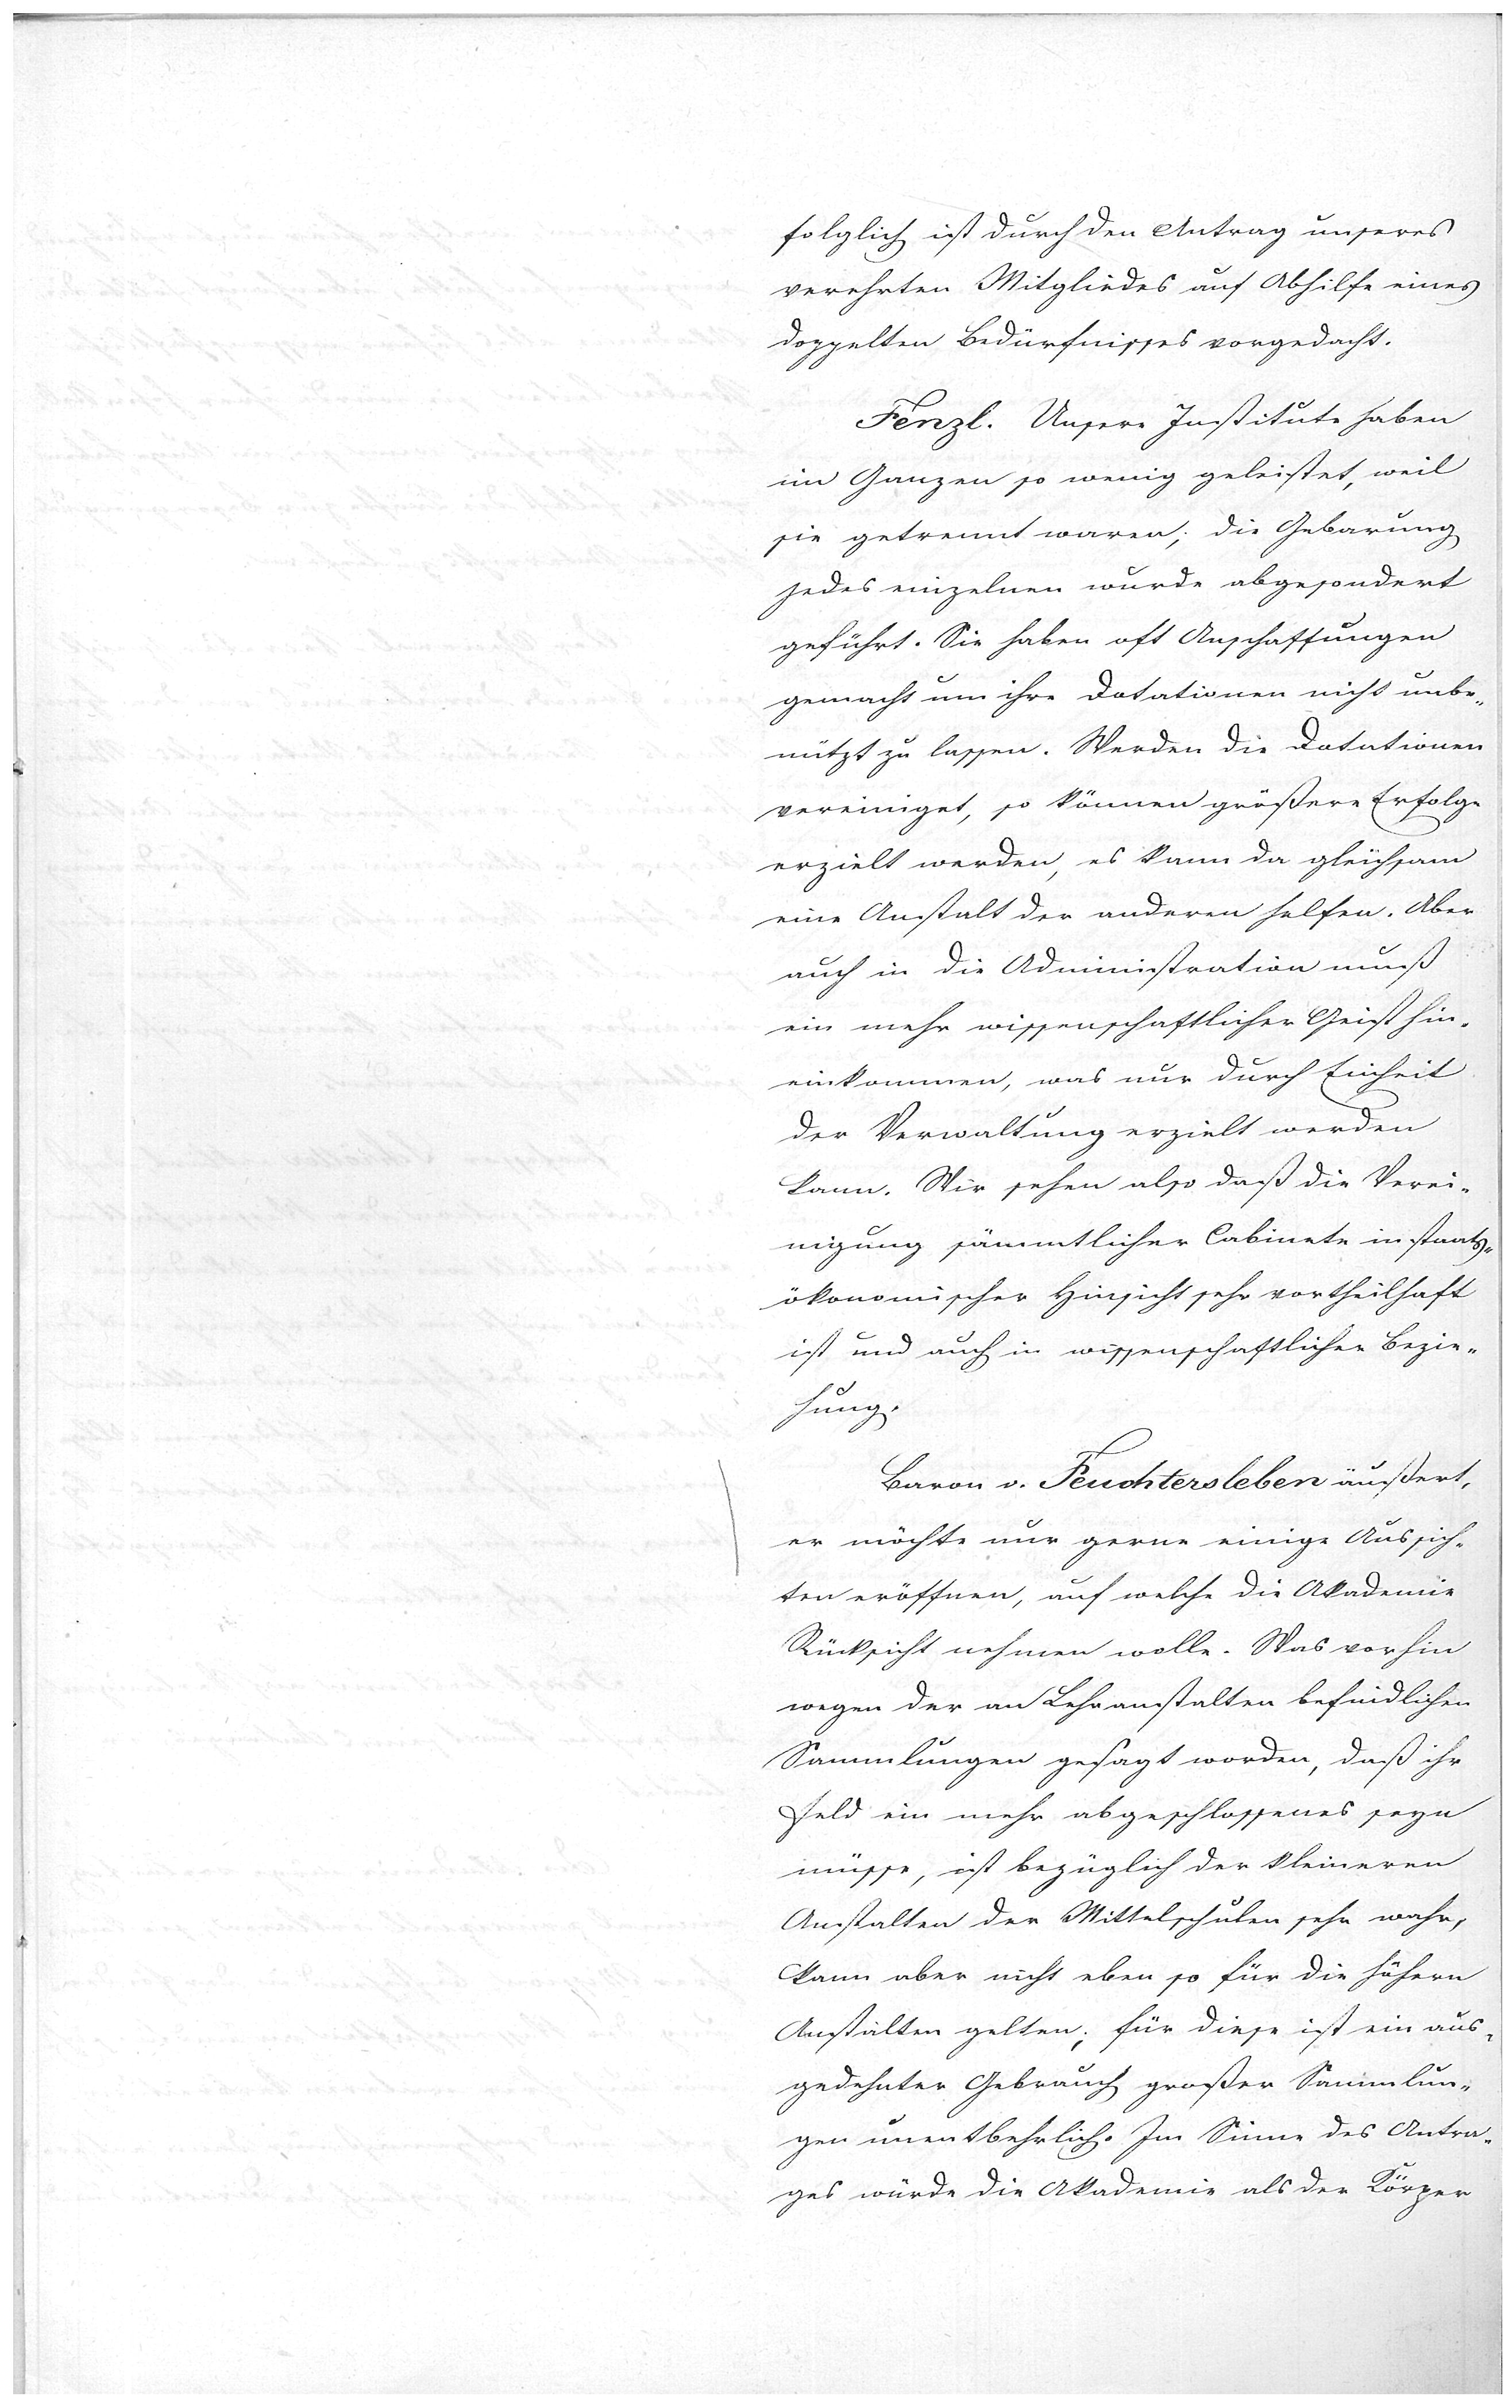folglich ist durch den Antrag unseres
verehrten Mitgliedes auf Abhilfe eines
doppelten Bedürfnisses vorgedacht.
Fenzl. Unsere Institute haben
im Ganzen so wenig geleistet, weil
sie getrennt waren. Die Gebarung
jedes einzelnen wurde abgesondert
geführt. Sie haben oft Anschaffungen
gemacht um ihre Dotationen nicht unbe-
nützt zu lassen. Werden die Dotationen
vereiniget, so können größere Erfolge
erzielt werden, es kann da gleichsam
eine Anstalt der anderen helfen. Aber
auch in die Administration muß
ein mehr wissenschaftlicher Geist hin-
einkommen, was nur durch Einheit
der Verwaltung erzielt werden
kann. Wir sehen also daß die Verei-
nigung sämmtliche Cabinete in staats-
okonomischer Hinsicht sehr vortheilhaft
ist und auch in wissenschaftlicher Bezie-
hung.
Baron v. Feuchtersleben äußert,
er möchte nur gerne eine Aussich-
ten eröffnen, auf welche die Akademie
Rücksicht nehmen wolle. Was vorhin
wegen der an Lehranstalten befindlichen
Sammlungen gesagt worden, daß ihr
Feld ein mehr abgeschlossenes seyn
müsse, ist bezüglich der kleineren
Anstalten der Mittelschulen sehr wahr,
kann aber nicht eben so für die höhern
Anstalten gelten, für diese ist ein aus-
gedehnter Gebrauch großer Sammlun-
gen unentbehrlich. Im Sinne des Antra-
ges würde die Akademie als der Körper